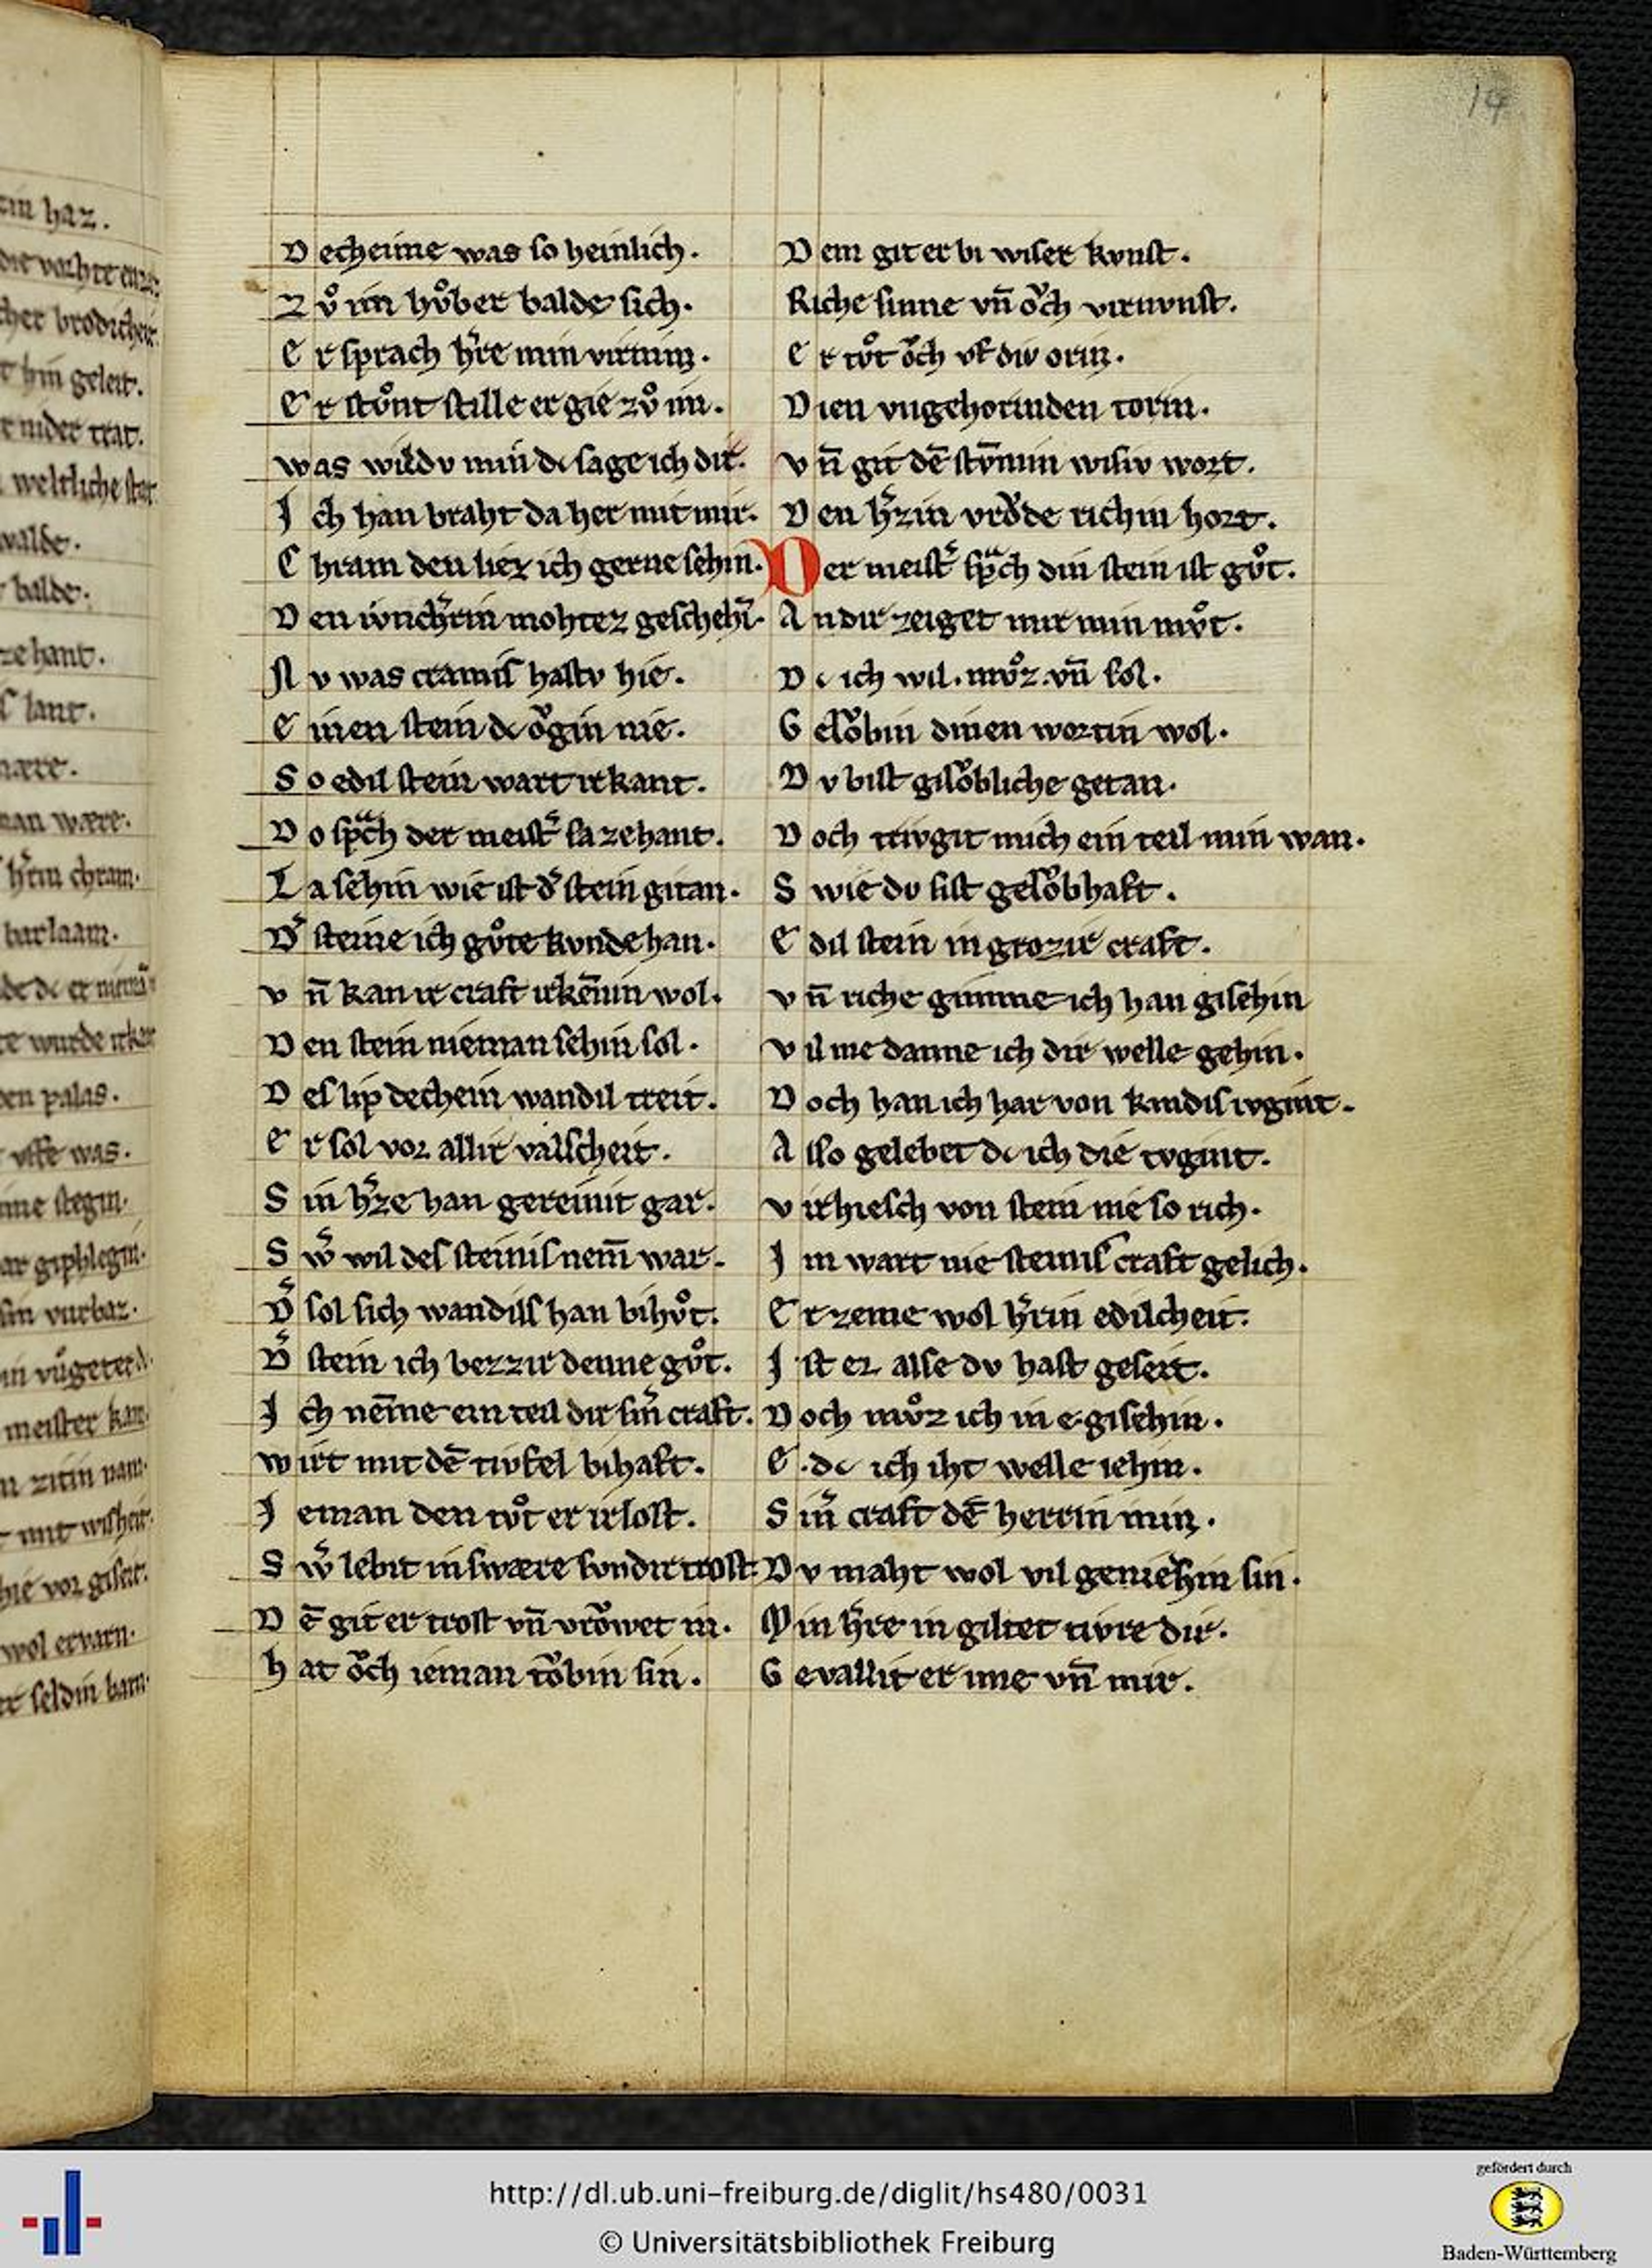Decheime was ſo heinlich.
Zv°o im hv°ober balde ſich.
Er ſprach h(er)re min virnim.
Er ſtv°ont ſtille er gie zv°o im.
Was wildv min d(az) ſage ich dir.
Ich han braht da her mit mir.
Chram den liez ich gerne ſehin.
Den ivnch(er)rin mohtez geſchehi(n).
Nv was cramiſ haſtv hie.
Einen ſtein d(az) o°vgin nie.
So edil ſtein wart irkant.
Do ſp(ra)ch der meiſt(er) ſa zehant.
La ſehin wie iſt d(er) ſtein gitan.
D(er) ſteine ich gv°ote kvnde han.
Vn(d) kan ir craft irke(n)nin wol.
Den ſtein nieman ſehin ſol.
Deſ lip dechein wandil treit.
Er ſol vor allir valſcheit.
Sin h(er)ze han gereinit gar.
Sw(er) wil deſ ſteiniſ nem(n) war.
D(er) ſol ſich wandilſ han bihv°ot.
D(er) ſtein ich bezzir denne gv°ot.
Ich ne(m)me ein teil dir ſin(er) craft.
Wirt mit de(m) tivfel bihaft.
Ieman den tv°ot er irloſt.
Sw(er) lebit in ſw[ae]re ſvndir troſt.
De(m) git er troſt vn(d) vro°vwet in.
Hat o°vch ieman to°vbin ſin.
Dem git er bi wiſer kvnſt.
Riche ſinne vn(d) o°vch virnvnſt.
Er tv°ot o°vch vf div orin.
Dien vngehorinden torin.
Vn(d) git de(n) ſtv(m)min wiſiv wort.
Den h(er)zin vro°vde richin hort.
*Der meiſt(er) ſp(ra)ch din ſtein iſt gv°ot.
An dir zeiget mir min mv°ot.
D(az) ich wil. mv°oz. vn(d) ſol.
Gelo°vbin dinen wortin wol.
Dv biſt gilo°vbliche getan.
Doch trivgit mich ein teil min wan.
Swie dv ſiſt gelo°vbhaft.
Edil ſtein in grozir craft.
Vn(d) riche gimme ich han giſehin.
Vil me danne ich dir welle gehin.
Doch han ich har von kindiſ ivgint.
Alſo gelebet d(az) ich die tvgint.
Virhieſch von ſtein nie ſo rich.
Im wart nie ſteiniſ craft gelich.
Er zeme wol h(er)rin edilcheit.
Iſt ez alſe dv haſt geſeit.
Doch mv°oz ich in e giſehin.
E. d(az) ich iht welle iehin.
Sin(er) craft de(m) herrin min.
Dv maht wol vil genie?in ſin.
Min h(er)re in giltet tivre dir.
Gevallit er ime vn(d) mir.